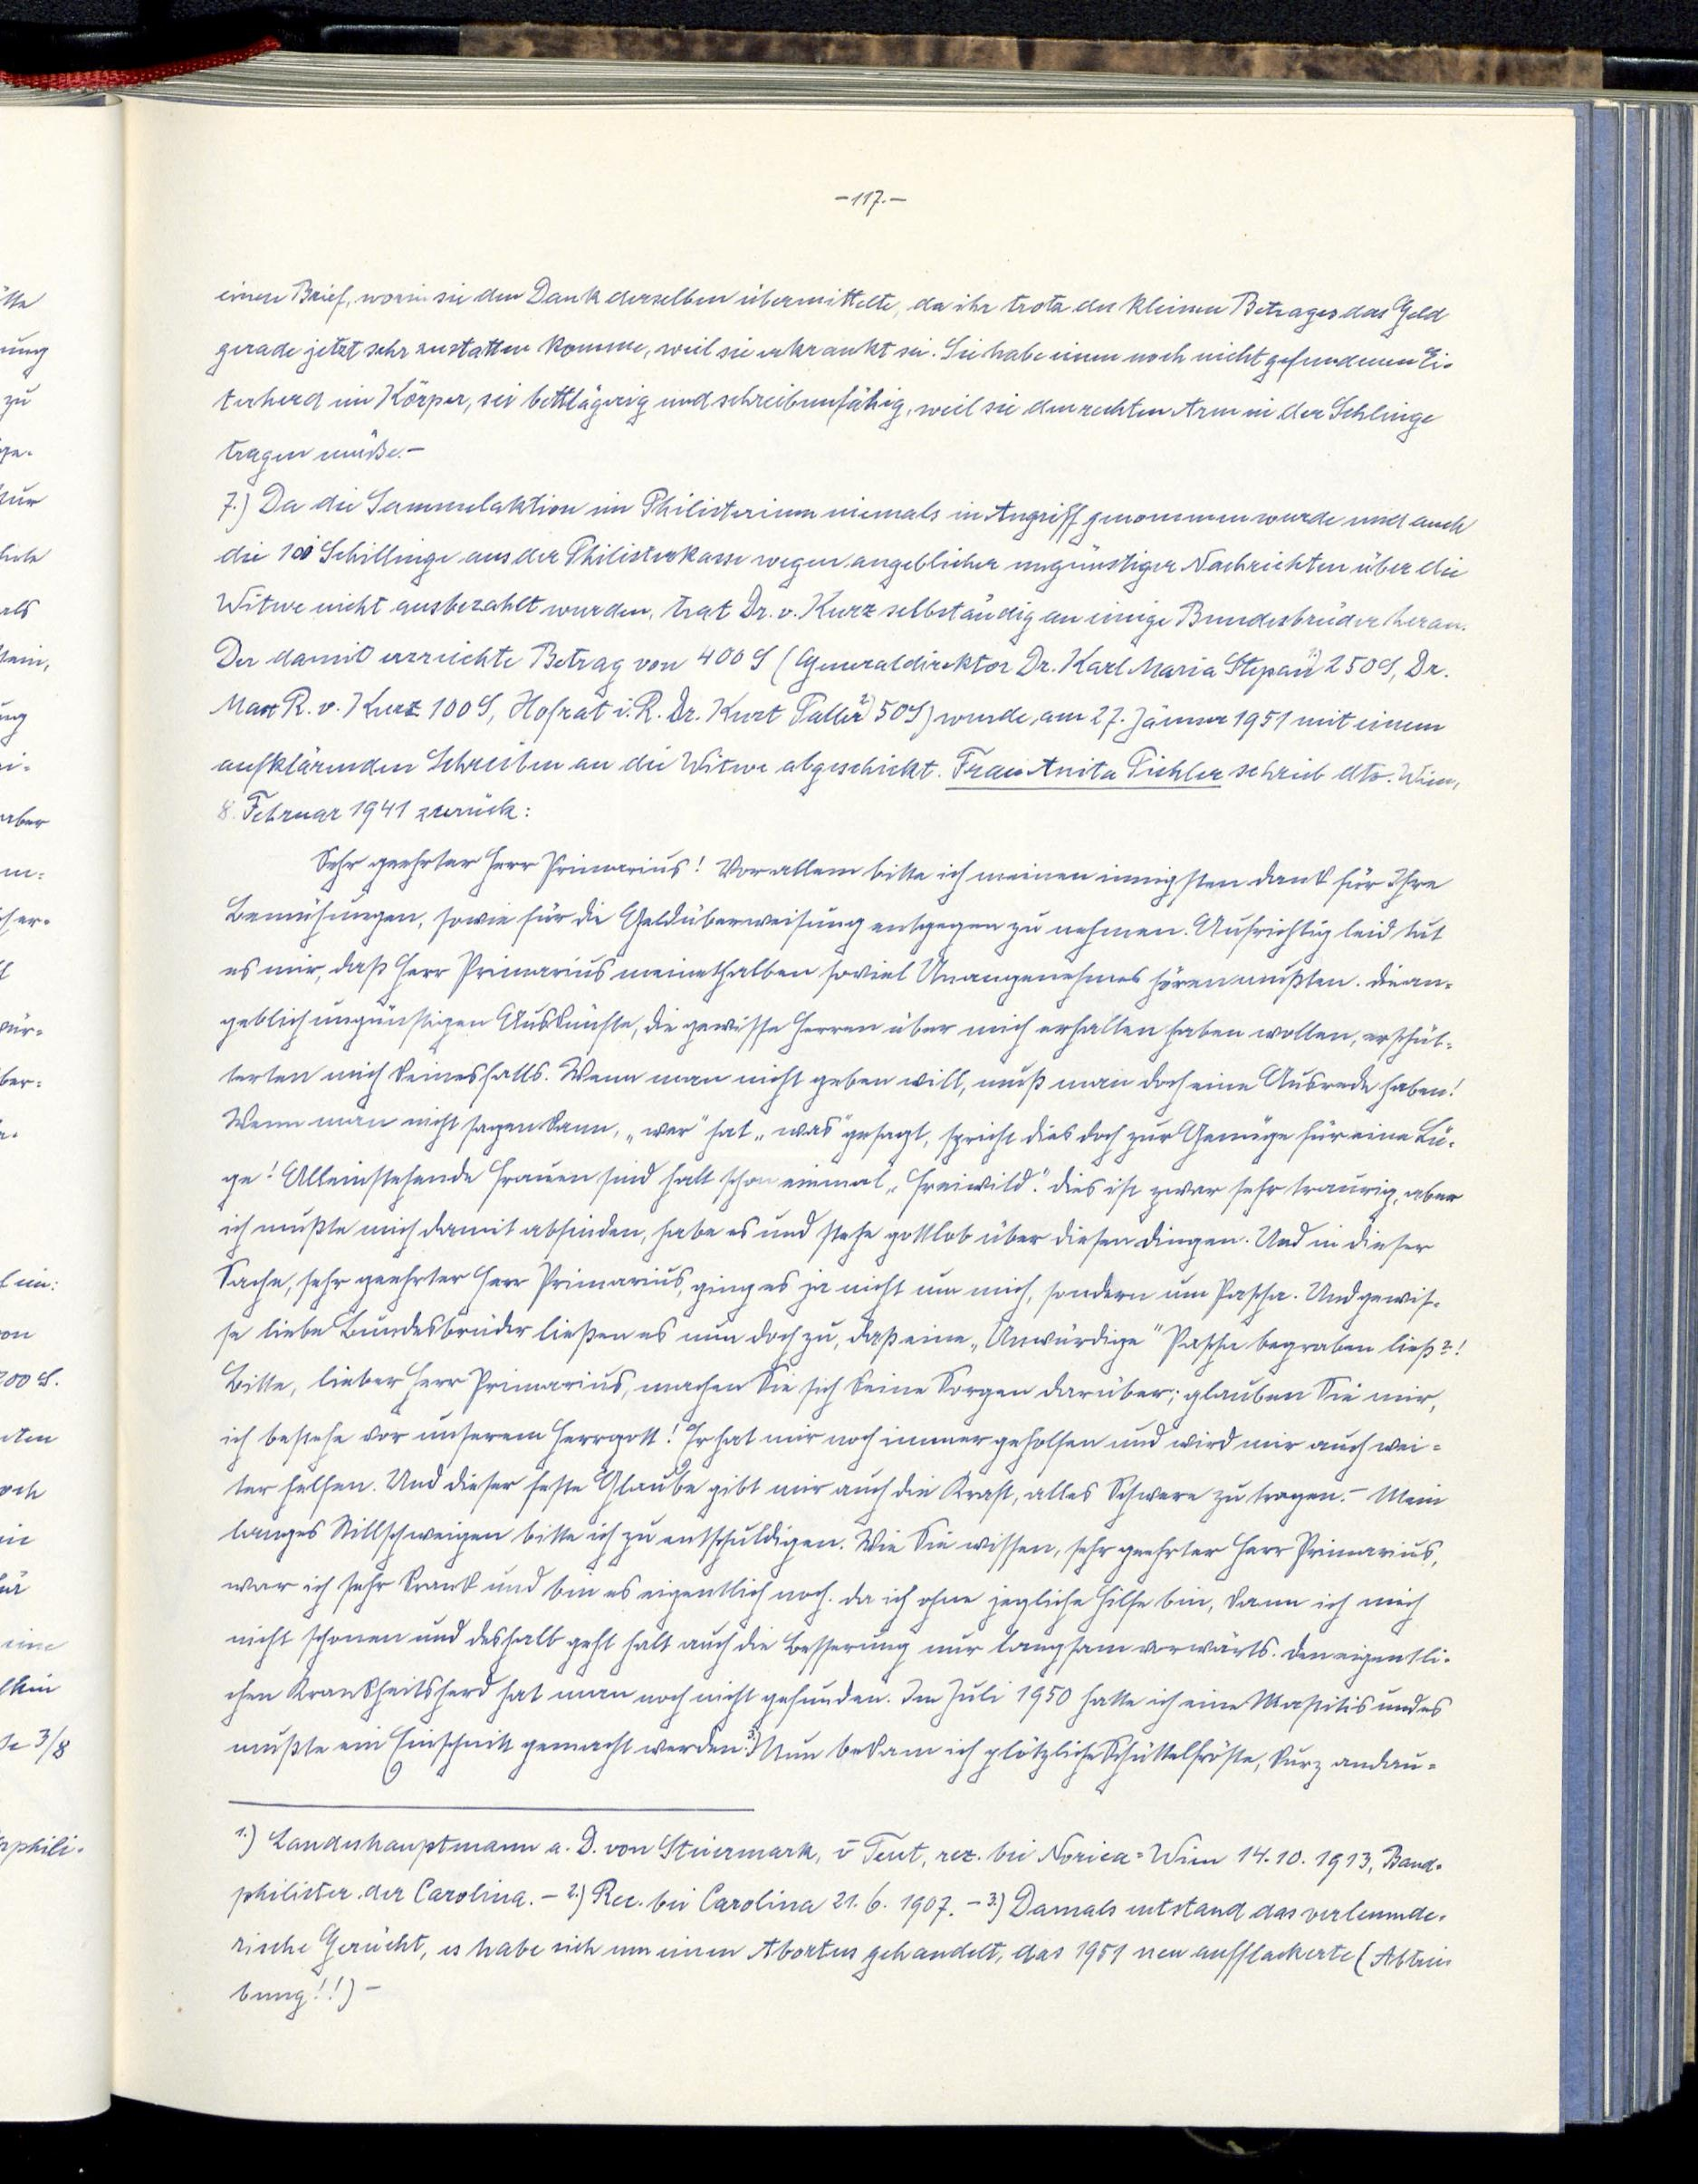117
einen Brief, worin sie den Dank derselben übermittelte, da ihr trotz des kleinen Betrages das Geld
gerade jetzt sehr zustatten komme, weil sie erkrankt sei. Sie habe einen noch nicht gefunden Eit-
terherd im Körper, sei bettlägerig und schreibunfähig, weil sie den rechten Arm in der Schlinge
tragen müsse.
7.) Da die Sermelaktion im Philisterium niemals in Angriff genommen wurde und auch
die 100 Schillinge aus der Philisterkasse wegen angeblicher ungünstiger Nachrichten über die
Witwe nicht ausbezahlt wurden, trat Dr. v. Kurz selbständig an einige Bundesbrüder heran.
Der damit erreichte Beitrag von 400 S (Generaldirektor Dr. Karl. Maria Stepan 1) 250 S,
Max R. v. Kurz 100 S, Hofrat i. R. Kurt Paller 2)50 S wurde am 27. Jänner 1951 mit einem
aufklärenden Schreiben an die Witwe abgeschickt. Frau Anita Pichler schrieb dto. Wien.
8. Februar 1941 zurück:
Sehr geehrter Herr Primarius! Vor allem bitte ich meinen innigsten Dank für Ihre
Bemühungen, sowie für die Geldüberweisung entgegen zu nehmen. Aufrichtig Leid tut
es mir, das Herr Primarius meinethalben soviel Unangenehmes hörenmußten. Die
angeblich ungünstigen Auskünfte, die gewisse Herrn über mich erhalten haben wollen, erschüt-
terten mich keinesfalls. Wenn man nicht geben will, muss man doch eine Ausrede haben!
Wenn man nicht sagen kann, "wer" hat "was" gesagt, spricht dies doch zur Genüge für eine Lü-
ge! Alleinstehende Frauen sind hat schon einmal "Freiwild". Dies ist zwar sehr traurig, aber
ich musste mich damit abfinden, habe es und stehe gottlob über diesen Dingen. Und in dieser
Sache, sehr geehrter Herr Primarius, ging es ja nicht um mich, sondern um Pascha. Und gewis-
se liebe Bundesbrüder ließen es nun doch zu, daß eine, „Unwürdige" Pascha begraben ließ?
Bitte, lieber Herr Primarius, machen Sie sich keine Sorgen darüber; Glauben Sie mir,
ich bestehe vor unserem Herrgott! Er hat mir noch immer geholfen und wird mir auch wei-
ter helfen. Und dieser feste Glauben gibt mir auch die Kraft, alles Schwere zu tragen. Mein
langes Stillschweigen bitte ich zu entschuldigen. Wie Sie wissen, sehr geehrter Herr Primarius,
war ich sehr krank und bin es eigentlich noch. Da ich ohne jegliche Hilfe bin, kann ich mich
nicht schonen und deshalb geht halt auch die Besserung nur langsam vorwärts. Den eigentli-
chen Krankheitsherd hat man noch nicht gefunden. Im Juli 1950 hatte ich eine Mastitis und es
musste ein Einschnitt gemacht werden. Nun bekam ich plötzlich Schüttelfröste, kurz andau-
1) Landeshauptmann a. D. von Steiermark, v/o Tent, rez. bei Norica -Wien 14. 10. 1913, Band-
philister der Carolina.- 2) Rez. bei Carolina 21. 6. 1907.- 3) Damals entstand das verleumde-
rische Gerücht, es habe sich um einen Abortus gehandelt, das 1951 nen aufflackerte (Abtrei-
bung!!)-